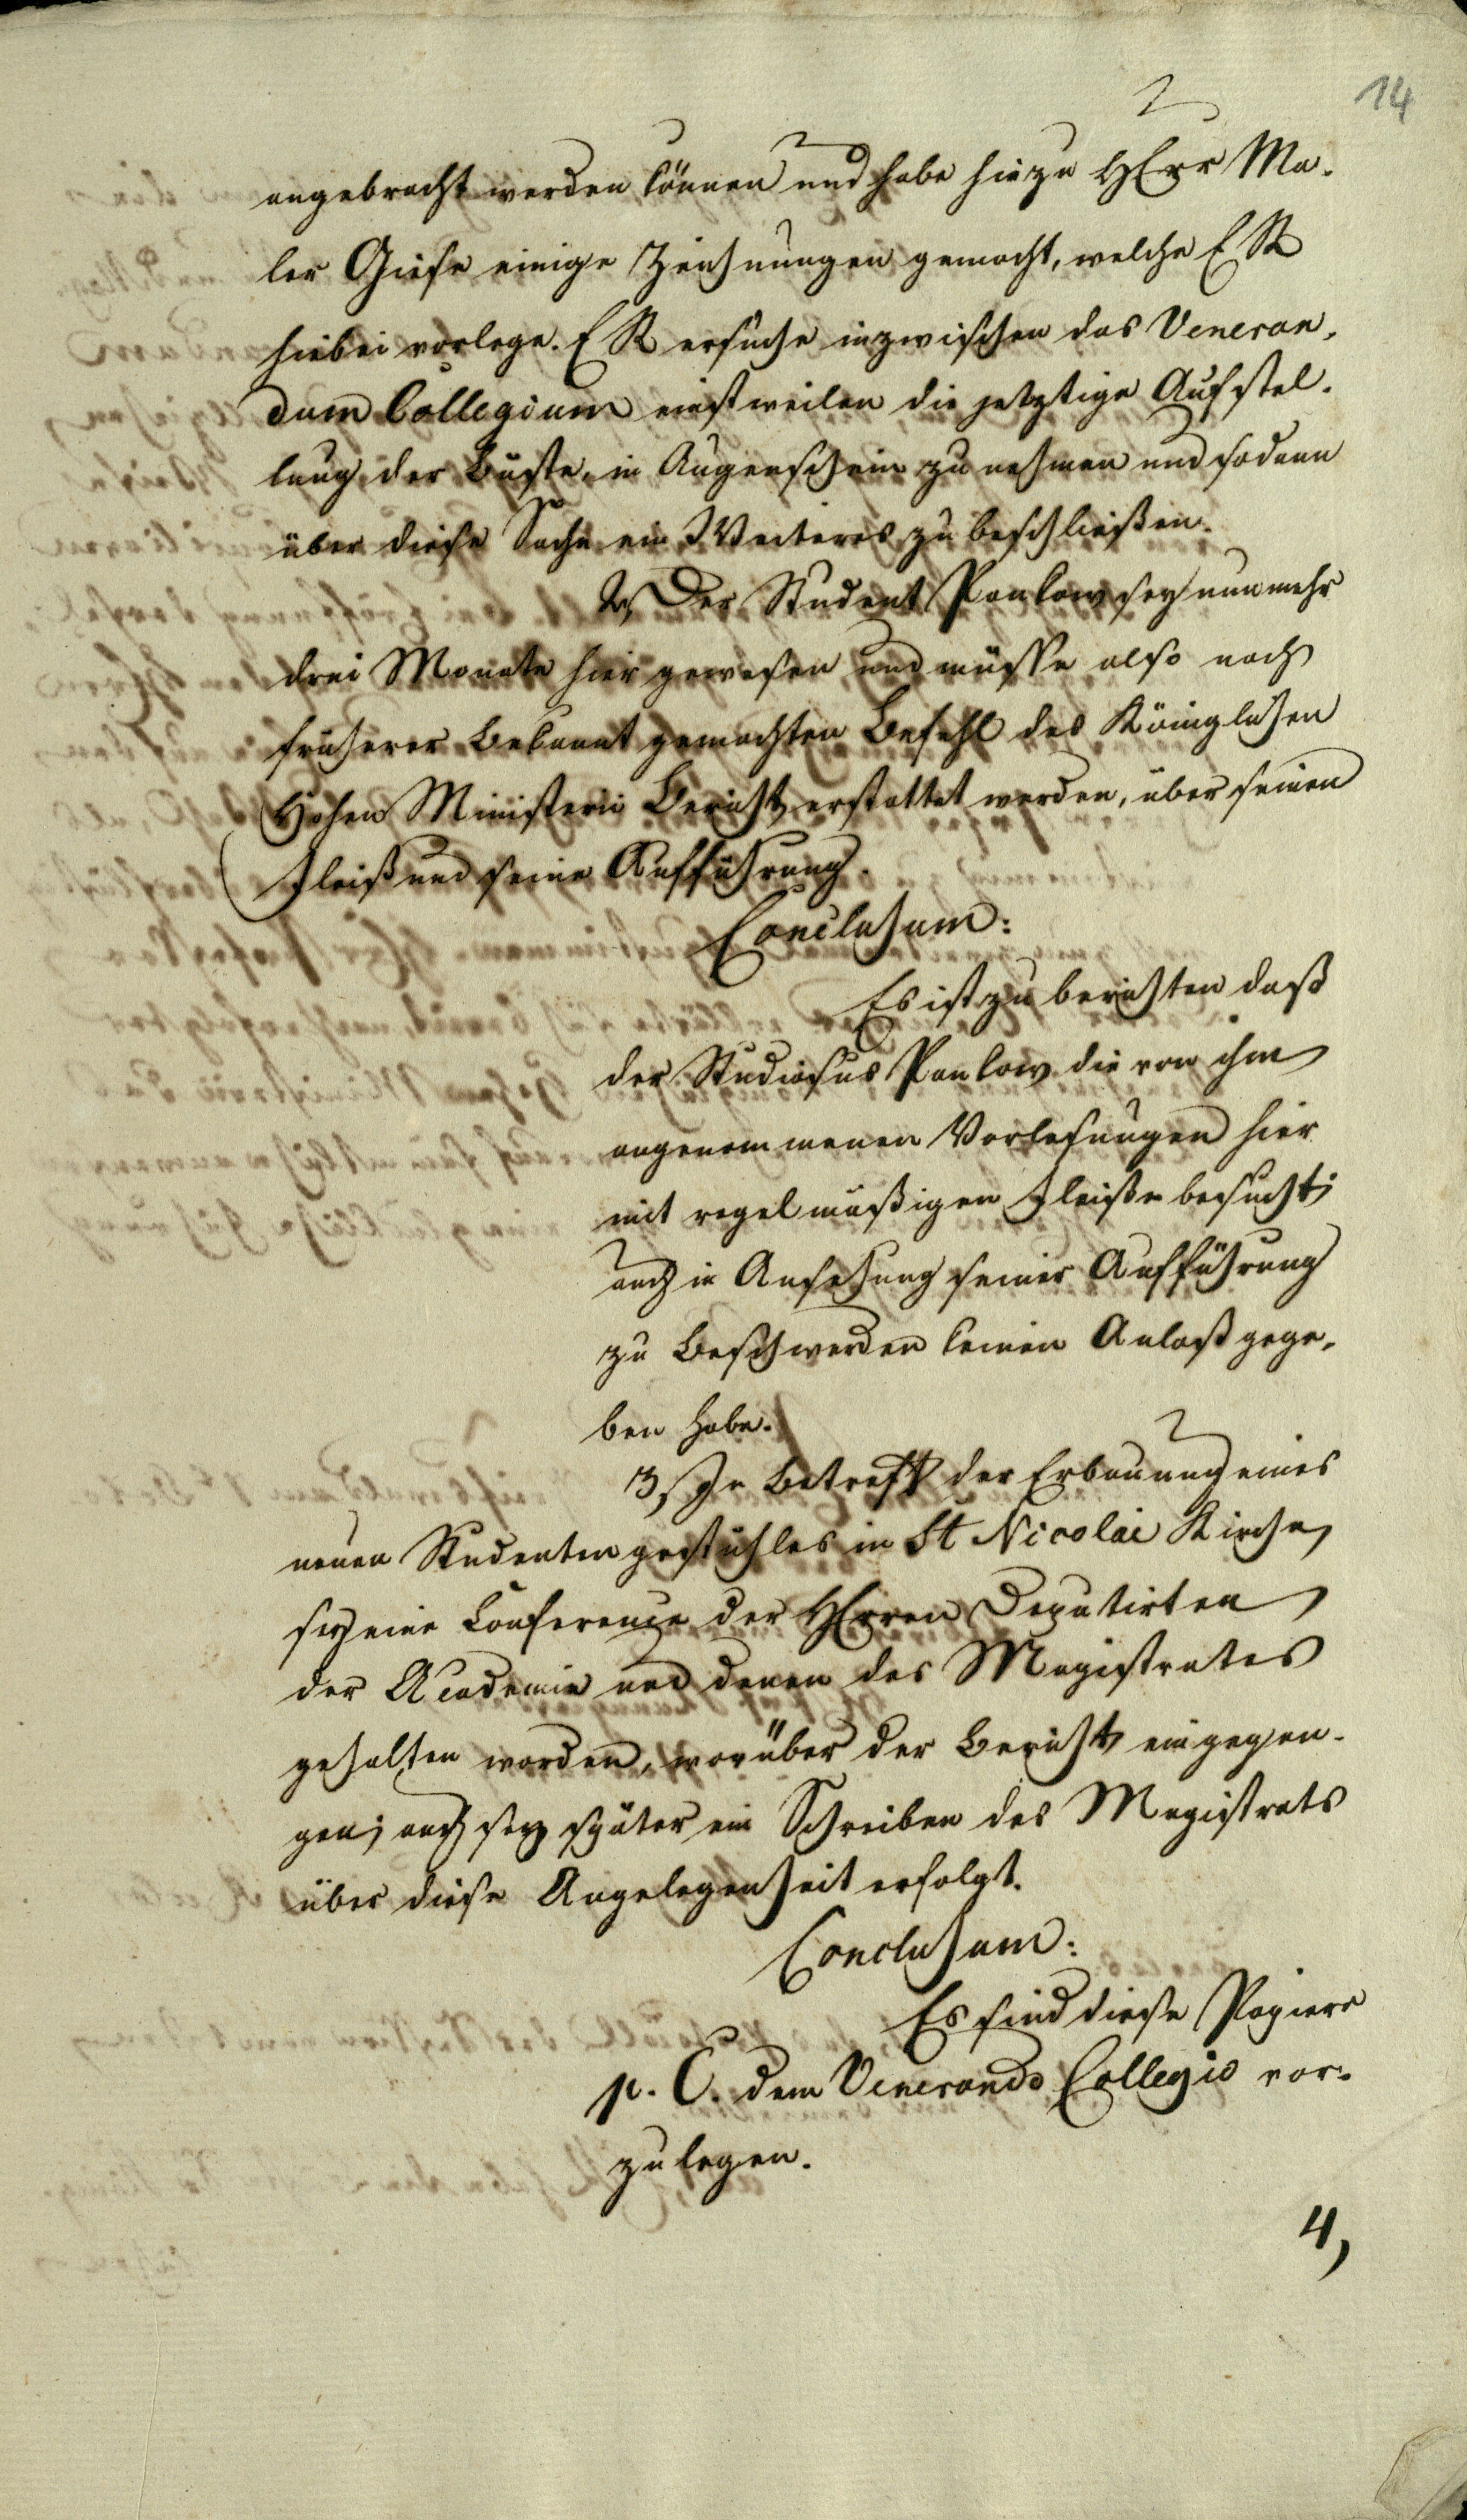angebracht werden können und habe hiezu Herr Ma¬
ler Giese einige Zeichnungen gemacht, welche E R
hiebei vorlege. E R ersuche inzwischen das Veneran¬
dum Collegium einstweilen die jetzige Aufstel¬
lung der Büste in Augenschein zu nehmen und sodann
über diese Sache ein Weiteres zu beschließen.
2. Der Student Pankow sey nunmehr
drei Monate hier gewesen und müsse also nach
früherer bekannt gemachten Befehl des Königlichen
Hohen Ministerii Bericht erstattet werden, über seinen
Fleiß und seine Aufführung.
Conclusum:
Es ist zu berichten daß
der Studiosus Pankow die von ihm
angenommenen Vorlesungen hier
mit regelmäßigen Fleiße besucht;
auch in Ansehungseiner Aufführung
zu Beschwerden keinen Anlaß gege¬
ben habe.
3, In Betreff der Erbauung eines
neuen Studentengestühles in St Nicolai Kirche
sei eine Conference der Herren Deputirten
der Academie und denen des Magistrates
gehalten worden, worüber der Bericht eingegan¬
gen; auch sey später ein Schreiben des Magistrats
über diese Angelegenheit erfolgt.
Conclusum:
Es sind diese Papiere
p. C. dem Venerando Collegio vor¬
zu legen.
4,